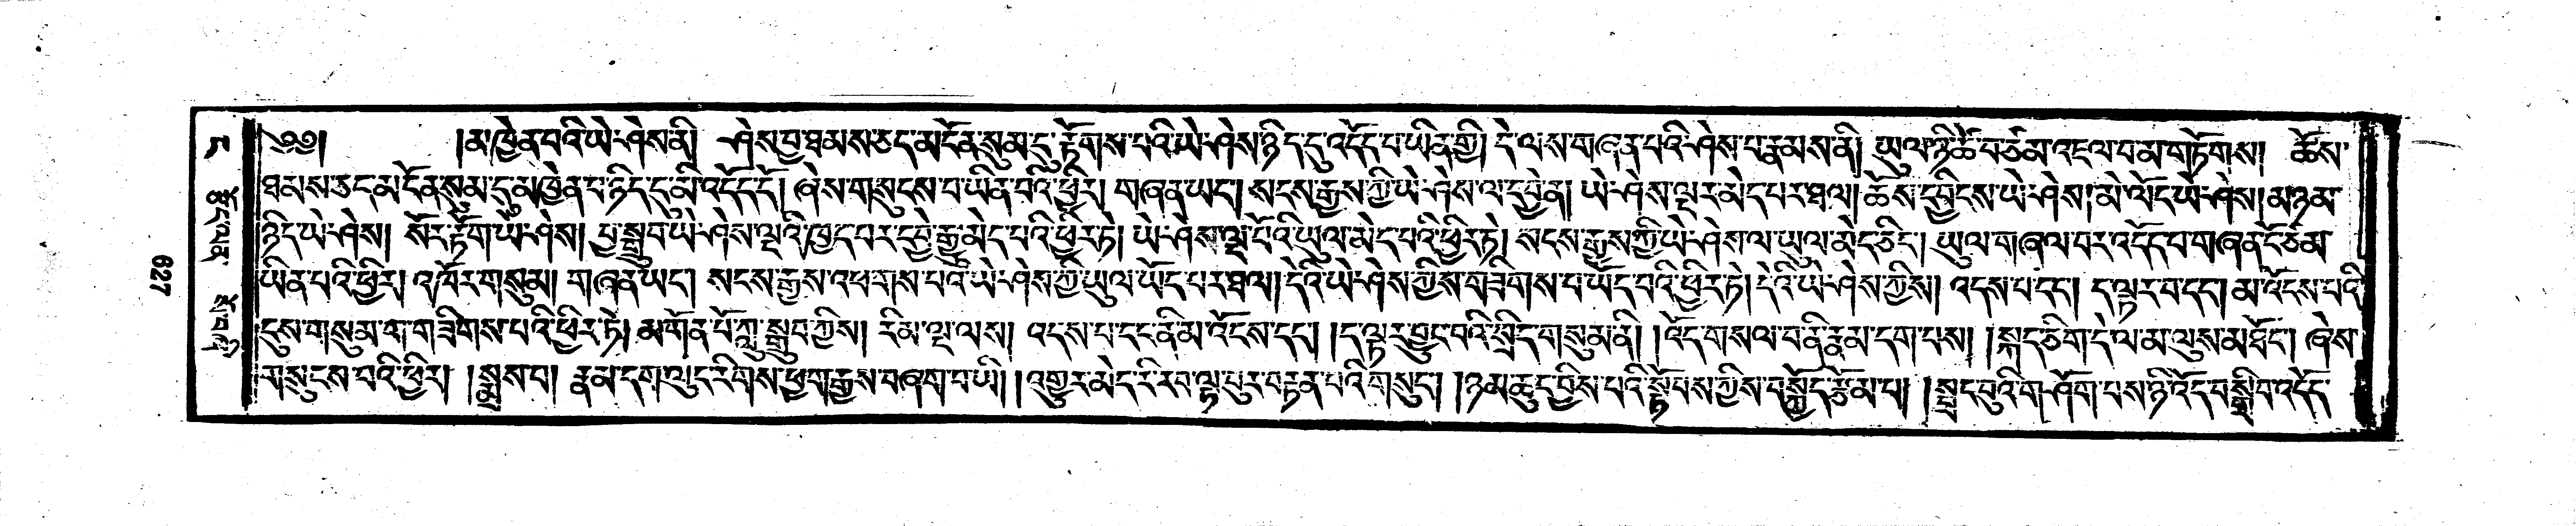༄༅། །མཁྱེན་པའི་ཡེ་ཤེས་ནི། ཤེས་བྱ་ཐམས་ཅད་མངོན་སུམ་དུ་རྟོགས་པའི་ཡེ་ཤེས་ཉིད་དུ་འདོད་པ་ཡིན་གྱི། དེ་ལས་གཞན་པའི་ཤེས་པ་རྣམས་ནི། ཡུལ་ཉི་ཚེ་བ་ཙམ་འཇལ་བ་མ་གཏོགས། ཆོས་
ཐམས་ཅད་མངོན་སུམ་དུ་མཁྱེན་པ་ཉིད་དུ་མི་འདོད་དོ། ཞུགས་གསུངས་པ་ཡིན་པའི་ཕྱིར། གཞན་ཡང་། སངས་རྒྱས་ཀྱི་ཡེ་ཤེས་ལ་དབྱེ་ན། ཡེ་ཤེས་ལྔར་མེད་པར་ཐལ། ཆོས་དབྱིངས་ཡེ་ཤེས། མེ་ལོང་ཡེ་ཤེས། མཉམ་
ཉིད་ཡེ་ཤེས། སོར་རྟོག་ཡེ་ཤེས། བྱ་སྒྲུབ་ཡེ་ཤེས་ལྔའི་ཁྱད་པར་དབྱེ་རྒྱུ་མེད་པའི་ཕྱིར་ཏེ། ཡེ་ཤེས་ལྔ་པོའི་ཡུལ་མེད་པའི་ཕྱིར་ཏེ། སངས་རྒྱས་ཀྱི་ཡེ་ཤེས་ལ་ཡུལ་མེད་ཅིང་། ཡུལ་གཞལ་བར་འདོད་པ་གཞན་ངོ་ཙམ་
ཡིན་པའི་ཕྱིར། འཁོར་གསུམ། གཞན་ཡང་། སངས་རྒྱས་འཕགས་པའི་ཡེ་ཤེས་ཀྱི་ཡུལ་ཡོད་པར་ཐལ། དེའི་ཡེ་ཤེས་ཀྱིས་གཟིགས་པ་ཡོད་པའི་ཕྱིར་ཏེ། དེའི་ཡེ་ཤེས་ཀྱིས། འདས་པ་དང་། ད་ལྟར་བ་དང་། མ་འོངས་པའི་
དུས་གསུམ་ག་གཟིགས་པའི་ཕྱིར་ཏེ། མགོན་པོ་ཀླུ་སྒྲུབ་ཀྱིས། རིམ་ལྔ་ལས། འདས་པ་དང་ནི་མ་འོངས་དང་། །ད་ལྟར་བྱུང་བའི་སྲིད་གསུམ་ནི། །འོད་གསལ་བ་ནི་རྣམ་དག་པས། །སྐད་ཅིག་དེ་ལ་མ་ལུས་མཐོང་། ཞེས་
གསུངས་པའི་ཕྱིར། །སྨྲས་པ། རྣམ་དག་ལུང་རིགས་ཕྱག་རྒྱས་བཞག་པ་ཡི། །འགྱུར་མེད་རི་རབ་ལྟ་བུར་བརྟན་པའི་གསུང་། །ཉམ་ཆུང་བྱིས་པའི་སྟོབས་ཀྱིས་བསྐྱོད་རྩོམ་པ། །སྦྲང་བུའི་གཤོག་པས་ཉི་འོད་བསྒྲིབ་འདོད་